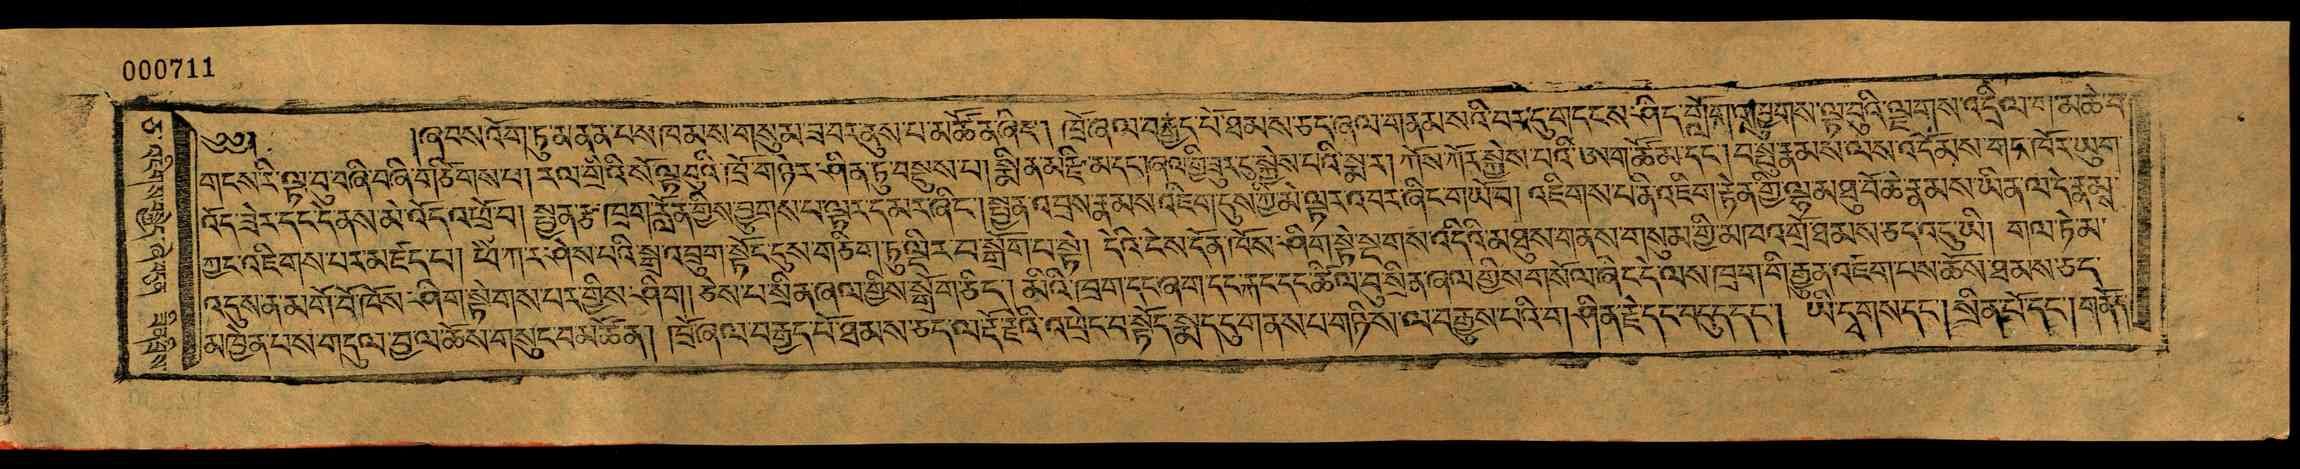༄༅། །ཞབས་འོག་ཏུ་མནན་པས་ཁམས་གསུམ་ཟ་བར་ནུས་པ་མཚོན་ཞིང་། ཁྲོ་ཞལ་བརྒྱད་པོ་ཐམས་ཅད་ཞལ་གནམ་སའི་བར་དུ་གདངས་ཤིང་གློག་འཁྱུག་པ་ལྟ་བུའི་ལྗགས་འདྲིལ་བ། མཆེ་བ་
གངས་རི་ལྟ་བུ་བཞི་བཞི་གཙིགས་པ། རལ་གྲིའི་སོ་ལྟ་བུའི་ཁྲོ་གཉེར་ཤིན་ཏུ་བསྡུས་པ། སྨིན་མ་རྫི་མ་དང་། ཞལ་གྱི་དུ་སྐྱེས་པའི་སྨ་ར། ཀོས་ཀོར་སྐྱེས་པའི་ཨོག་ཚོམ་དང་། བ་སྤུ་རྣམས་ལས་འདོམས་གང་ཁོར་ཡུག་
འོད་ཟེར་དང་དེ་ནས་མེ་འོད་འཕྲོ་བ། སྤྱན་རྩ་ཁྲག་རློན་གྱིས་བྱུགས་པ་ལྟར་དམར་ཞིང་། སྤྱན་འབྲས་རྣམས་འཇིག་དུས་ཀྱི་མེ་ལྟར་འབར་ཞིང་གཡོ་བ། འཇིགས་པ་ནི་འཇིག་རྟེན་གྱི་ལྷ་མཐུ་བོ་ཆེ་རྣམས་ཡིན་ལ་དེ་རྣམས་
ཀྱང་འཇིགས་པར་མཛད་པ། ཕཻཾ་ཀ་ར་ཞེས་པའི་སྒྲ་འབྲུག་སྟོང་དུས་གཅིག་ཏུ་ལྡིར་བ་སྒྲོག་པ་སྟེ། དེའི་ངེས་དོན་ཁོས་ཤིག་སྟེ་སྔགས་འདིའི་མཐུས་གནས་གསུམ་གྱི་མཁའ་འགྲོ་ཐམས་ཅད་འདུ་ཡི། གལ་ཏེ་མ་
འདུས་ན་མགོ་བོ་ཁོས་ཤིག་སྟེ་གས་པར་གྱིས་ཤིག །ཅེས་པ་སྲིན་ཞལ་གྱིས་སྒྲོག་ཅིང་། མིའི་ཁྲག་དང་ཞག་དང་རྐང་དང་ཚིལ་བུ་སྲིན་ཞལ་གྱིས་གསོལ་ཞིང་དེ་ལས་ཁྲག་གི་རྒྱུན་འཛག་པས་ཆོས་ཐམས་ཅད་
མཁྱེན་པས་གདུལ་བྱ་ལ་ཆོས་གསུང་བ་མཚོན། ཁྲོ་ཞལ་བརྒྱད་པོ་ཐམས་ཅད་ལ་རྡོ་རྗེའི་འཕྲེང་བ་སྟོད་སྨད་དུ་གནས་པ་གཉིས་ལ་བརྒྱུས་པའི་གཤིན་རྗེ་དང་བདུད་དང་། ཡི་དྭགས་དང་། སྲིན་པོ་དང་། གནོད་